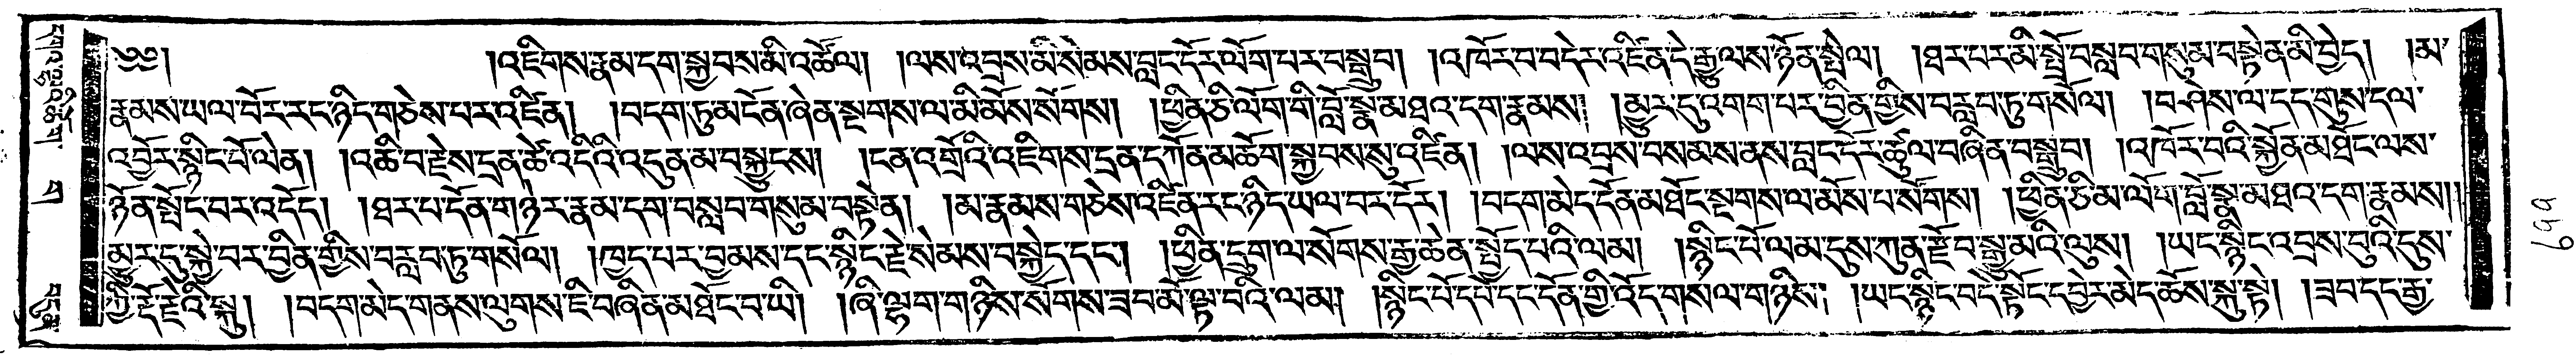༄༅། །འཇིགས་རྣམ་དག་སྐྱབས་མི་འཚོལ། །ལས་འབྲས་མི་སེམས་བླང་དོར་ལོག་པར་བསྒྲུབ། །འཁོར་བ་བདེར་འཛིན་དེ་རྒྱུ་ལས་ཉོན་སྤེལ། །ཐར་པར་མི་སྤྲོ་བསླབ་གསུམ་བསྟེན་མི་བྱེད། །མ་
རྣམས་ཡལ་བོར་རང་ཉིད་གཅེས་པར་འཛིན། །བདག་ཏུ་མངོན་ཞེན་སྔགས་ལ་མི་མོས་སོགས། །ཕྱིན་ཅི་ལོག་གི་བློ་སྣ་མཐའ་དག་རྣམས། །མྱུར་དུ་འགག་པར་བྱིན་གྱིས་བརླབ་ཏུ་གསོལ། །བཤེས་ལ་དད་གུས་དལ་
འབྱོར་སྙིང་པོ་ལེན། །འཆི་བ་རྗེས་དྲན་ཚེ་འདིའི་འདུན་མ་བསྐྱུངས། །ངན་འགྲོའི་འཇིགས་དྲན་དཀོན་མཆོག་སྐྱབས་སུ་འཛིན། །ལས་འབྲས་བསམས་ནས་བླང་དོར་ཚུལ་བཞིན་བསྒྲུབ། །འཁོར་བའི་སྐྱོན་མཐོང་ལས་
ཉོན་སྤོང་བར་འདོད། །ཐར་པ་དོན་གཉེར་རྣམ་དག་བསླབ་གསུམ་བསྟེན། །མ་རྣམས་གཅེས་འཛིན་རང་ཉིད་ཡལ་བར་དོར། །བདག་མེད་དོན་མཐོང་སྔགས་ལ་མོས་པ་སོགས། །ཕྱིན་ཅི་མ་ལོག་བློ་སྣ་མཐའ་དག་རྣམས།།
མྱུར་དུ་སྐྱེ་བར་བྱིན་གྱིས་བརླབ་ཏུ་གསོལ། །ཁྱད་པར་བྱམས་དང་སྙིང་རྗེ་སེམས་བསྐྱེད་དང་། །ཕྱིན་དྲུག་ལ་སོགས་རྒྱ་ཆེན་སྤྱོད་པའི་ལམ། །སྙིང་པོ་ལམ་དུས་ཀུན་རྫོབ་སྒྱུ་མའི་ལུས། །ཡང་སྙིང་འབྲས་བུའི་དུས་
ཀྱི་རྡོ་རྗེའི་སྐུ། །བདག་མེད་གནས་ལུགས་ཇི་བཞིན་མཐོང་བ་ཡི། །ཞི་ལྷག་གཉིས་སོགས་ཟབ་མོ་ལྟ་བའི་ལམ། །སྙིང་པོ་དཔེ་དང་དོན་གྱི་འོད་གསལ་གཉིས། །ཡང་སྙིང་བདེ་སྟོང་དབྱེར་མེད་ཆོས་སྐུ་སྟེ། །ཟབ་དང་རྒྱ་